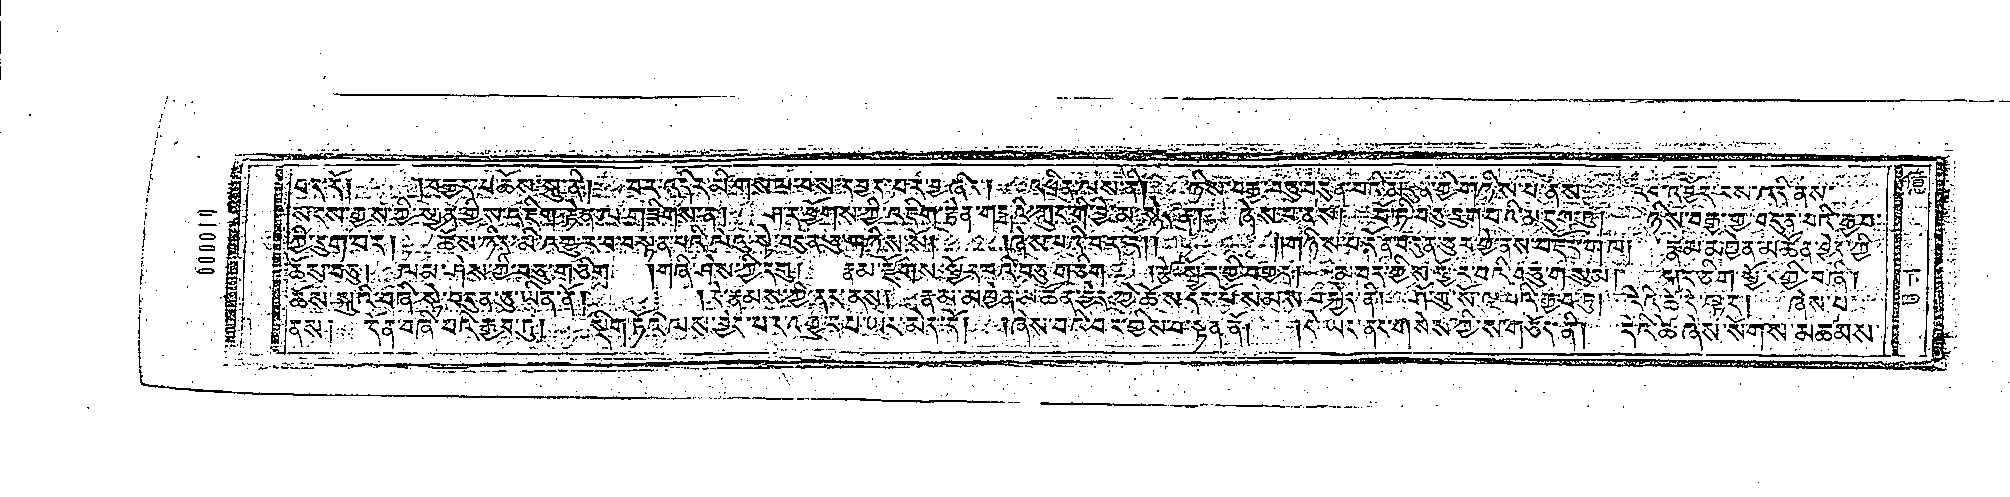བར་རོ། །བརྒྱད་པ་ཆོས་སྐུ་ནི། བར་འདིར་མི་གསལ་བས་དབྱང་བར་བྱ་ཞིང་། འཕྲིན་ལས་ནི། ཉིས་བརྒྱ་བཅུ་བདུན་པའི་མདུན་གྱི་གཉིས་པ་ནས། རབ་འབྱོར་ངས་འདི་ནས་
སངས་རྒྱས་ཀྱི་སྤྱན་གྱིས་འཇིག་རྟེན་ལ་གཟིགས་ནས། ཤར་ཕྱོགས་ཀྱི་འཇིག་རྟེན་གངྒའི་ཀླུང་གི་བྱ་མ་སྙེད་ན། ཞེས་པ་ནས། པོ་ཏི་བཅུ་དྲུག་པའི་མཇུག་ཤུ། ཉིས་བརྒྱ་གྱ་བདུན་པའི་རྒྱབ་
ཀྱི་དྲུག་བར། ཆོས་ཉིད་མི་འགྱུར་བ་བསྟན་པའི་ལེའུ་སྟེ་བདུན་ཅུ་གཉིས་སོ། །ཞེས་པའི་བར་རོ།། །།གཉིས་པ་དོན་བདུན་ཅུར་གྱི་ནས་བརྗོད་གལ། རྣམ་མཁྱེན་མཚོན་བྱེད་ཀྱི་
ཆོས་བཅུ། ལམ་ཤེས་ཀྱི་བཅུ་གཅིག །གཞི་ཤེས་ཀྱི་དགུ། རྣམ་རྫོགས་སྦྱོར་བའི་བཅུ་གཅིག །རྩེ་སྦྱོར་གྱི་བརྒྱད། མ་བར་གྱིས་སྦྱོར་བའི་བཅུ་གསུམ། སྐད་ཅིག་སྦྱོང་གྱི་བཞི།
ཆོས་སྐུའི་བཞི་སྟེ་བདུན་ཅུ་ཡིན་ནོ། །དེ་རྣམས་ཀྱི་ནང་ནས། རྣམ་མཁྱེན་མཚོན་བྱེད་ཀྱི་ཚེས་དང་པོ་སེམས་བསྐྱེད་ནི། ཤོ་གུ་སོ་ལྔ་པའི་རྒྱབ་ཏུ། དེའི་ཚེ་དེ་ལྟར། ཞེས་པ་
ནས། དོན་བཞི་བའི་རྒྱབ་ཏུ། སྡིག་ཏོའི་ལས་བྱེད་པར་འགྱུར་པ་ཡང་མེད་དོ། །ཞེས་བའི་བར་གྱིས་བསྟན་ནོ། །དེ་ཡང་ནང་གསེས་ཀྱིས་གཅོད་ནི། དེའི་ཚེ་ཞེས་སོགས་མཚམས་